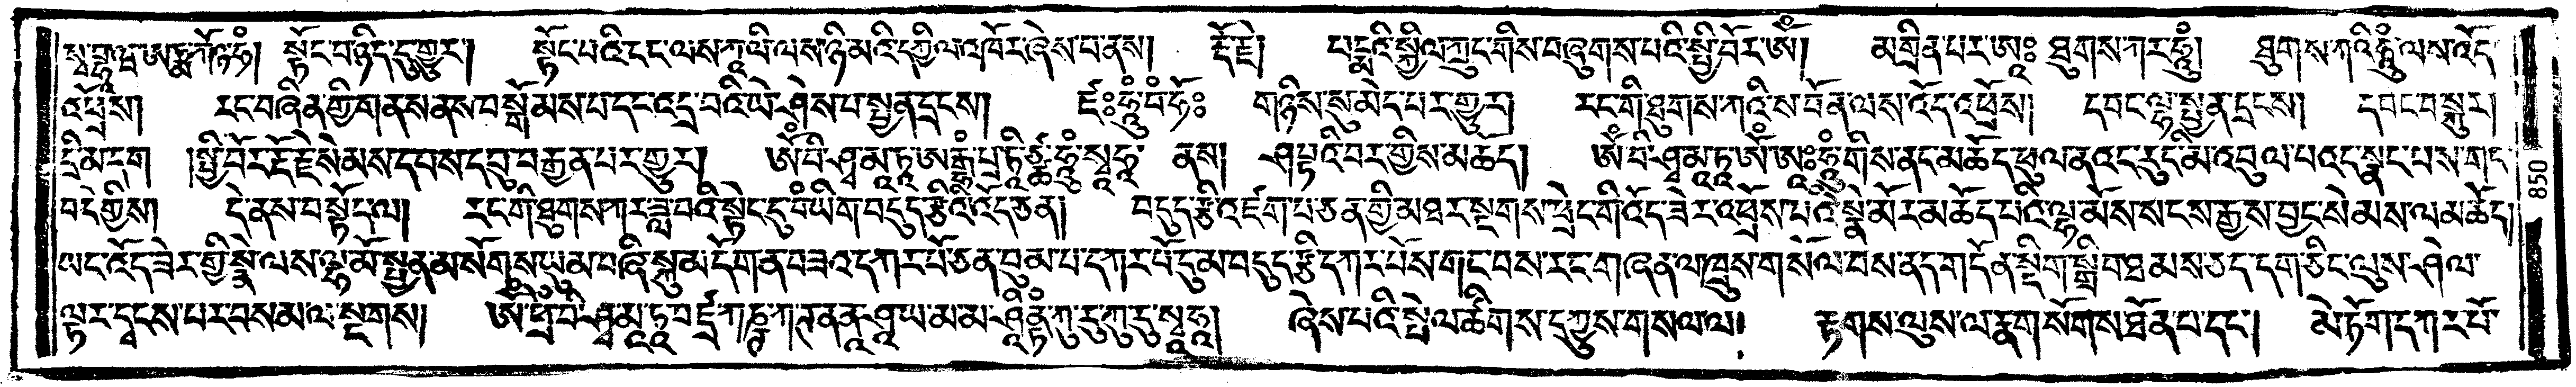སྭ་བྷཱ་ཝ་ཨཏྨ་གོཉ་ཧཾ། སྟོང་པ་ཉིད་དུ་གྱུར། སྟོང་པའི་དང་ལས་ཀཱ་ལི་ལས་ཉི་མའི་དཀྱིལ་འཁོར་ཞེས་པ་ནས། རྡོ་རྗེ། པདམའི་སྐྱིལ་ཀྲུང་གིས་བཞུགས་པའི་སྤྱི་བོར་ཨོཾ། མགྲིན་པར་ཨཱཿ ཐུགས་ཀར་ཧཱུཾ། ཐུགས་ཀའི་ཧཱུཾ་ལས་འོད་
འཕྲོས། རང་བཞིན་གྱི་གནས་ནས་བསྒོམས་པ་དང་འདྲ་བའི་ཡེ་ཤེས་པ་སྤྱན་དྲངས། ཛཿ ཧཱུཾ་བཾ་ཧོཿ གཉིས་སུ་མེད་པར་གྱུར། རང་གི་ཐུགས་ཀའི་ས་བོན་ལས་འོད་འཕྲོས། དབང་ལྷ་སྤྱན་དྲངས། དབང་བསྐུར།
དྲི་མ་དག །སྤྱི་བོར་རྡོ་རྗེ་སེམས་དཔས་དུབ་བརྒྱན་པར་གྱུར། ཨོཾ་བི་ཤྭ་མཱ་ཏཱ་ཨརྒྷཾ་པྲ་ཏཱི་ཙྪ་ཧཱུཾ་སྭཱཧཱ་ནས། ཤཔྟཱི་བར་གྱིས་མཆོག། ཨོཾ་བི་ཤྭ་མཱ་ཏཱ་ཨོཾ་ཨཱཿ ཧཱུཾ་གིས་ནང་མཆོད་ཕུལ་ནའང་རུང་མི་འབུལ་པའང་སྣང་པས་གང་
བདེ་གྱིས། དེ་ནས་བསྟོད་ལ། རང་གི་ཐུགས་ཀར་ཟླ་ཨཱི་སྟེང་དུ་བཾ་ཡིག་བདུད་རྩིའི་འོད་ཅན། བདུད་རྩི་འཛག་པ་ཅན་གྱི་མཐར་སྔགས་ཕྲེང་གི་འོད་ཟེར་འཕྲོས་པའི་སྣེ་མོར་མཆོད་པའི་ལྷ་མོས་སངས་རྒྱས་བྱང་སེམས་ལ་མཆོད།
ཡང་འོད་ཟེར་གྱི་སྣེ་ལས་ལྷ་མོ་སྤྱན་མ་སོགས་སུམ་བཞི་སྐུ་མདོག་ན་བཟའ་དཀར་པོ་ཅན་བུམ་པ་དཀར་པོ་དུ་མ་བདུད་རྩི་དཀར་པོས་གང་བས་རང་ཞན་ལ་ཁྲུས་གསོལ་བས་ནད་གདོན་སྡིག་སྒྲིབ་ཐམས་ཅད་དག་ཅིང་ལུས་ཤེལ་
ལྟར་དྭངས་པར་བསམ་ལ་སྔགས། ཨོཾ་ཕྲ་བི་སྭམཱཏཱ་བྫྲ་ཀཎྚ་ཀཏ་ན་ནཱ་ཤཱ་ཡ་མ་མ་ཤཱི་ནཾཏ་ཀུ་རུ་ཀུ་རུ་སྭཱཧཱ། ཞེས་པའི་སྤེལ་ཚིགས་དཀྱུས་གསལ་ལ། རྟགས་ལུས་ལ་རྣག་སོགས་ཐོན་པ་དང་། མེ་ཏོག་དཀར་པོ་